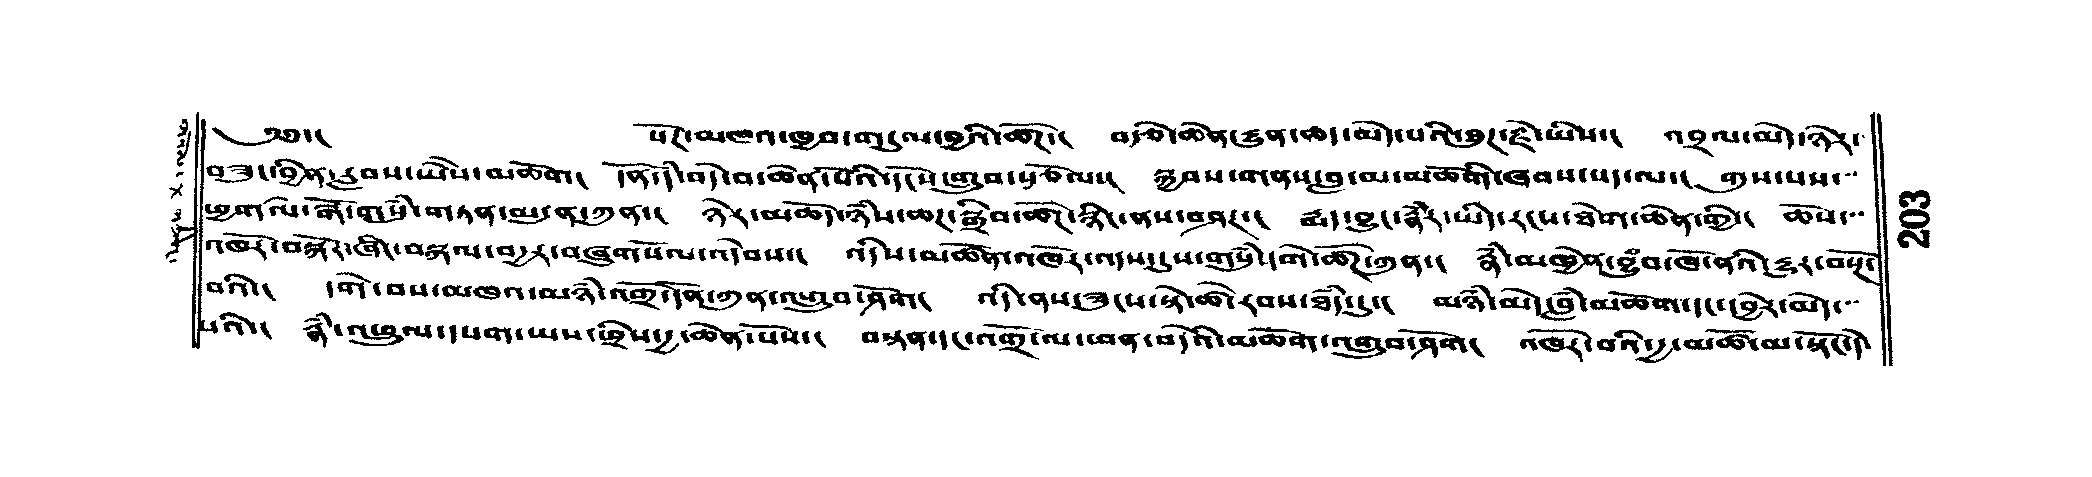སོགས་མཁའ་ཁྱབ་གདུལ་བྱའི་ཚོགས། །བརྩེ་ཆེན་རྒྱུན་ཆད་མེད་པའི་ཐུགས་རྗེ་ཡིས། །འབྲལ་མེད་ཉེར་
བཟུང་བྱིན་རླབས་ཡེ་ཤེས་མཆོག །དོན་དམ་བདེ་བ་ཆེན་པོའི་དངོས་གྲུབ་སྩོལ། །སྐྱབས་གནས་བླ་མ་མཆོག་གི་ཞབས་པད་ལ། །གུས་པས་
ཕྱག་འཚལ་སྒོ་གསུམ་གཏན་མདུན་ཀུན། །ཉེར་མཆོད་ཉམས་ཆགས་སྒྲིབ་ཚོགས་སྙིང་ནས་བཤགས། །རྨད་བྱུང་རྣམ་ཐར་ཡི་རངས་ཐེག་ཆེན་གྱི། །ཆོས་
འཁོར་བསྐོར་ཞིང་བསྐལ་བརྒྱར་བཞུགས་གསོལ་འདེབས། །འདིས་མཚོན་འཁོར་འདས་དུས་གསུམ་དགེ་ཚོགས་ཀུན། །རྣམ་མཁྱེན་བྱང་ཆུབ་ཁོ་ནའི་རྒྱུར་བསྔོ་
བའི། །དགེ་བས་མཁའ་མཉམ་འགྲོ་དོན་ཀུན་འགྲུབ་ཤོག །འདི་ནས་ཟུང་སྟེ་ཚེ་རབས་ཐམས་ཅད་དུ། །མཉམ་མེད་བླ་མ་མཆོག་དང་དབྱེར་མེད་
པའི། །རྣམ་འཕྲུལ་དཔག་ཡས་ཕྲིན་ལས་རྒྱ་ཆེན་པོས། །བསྟན་དང་འགྲོ་ལ་ཕན་བདེའི་མཆོག་འགྲུབ་ཤོག །འཁོར་བའི་རྒྱ་མཚོ་མ་སྟོངས་དེ་